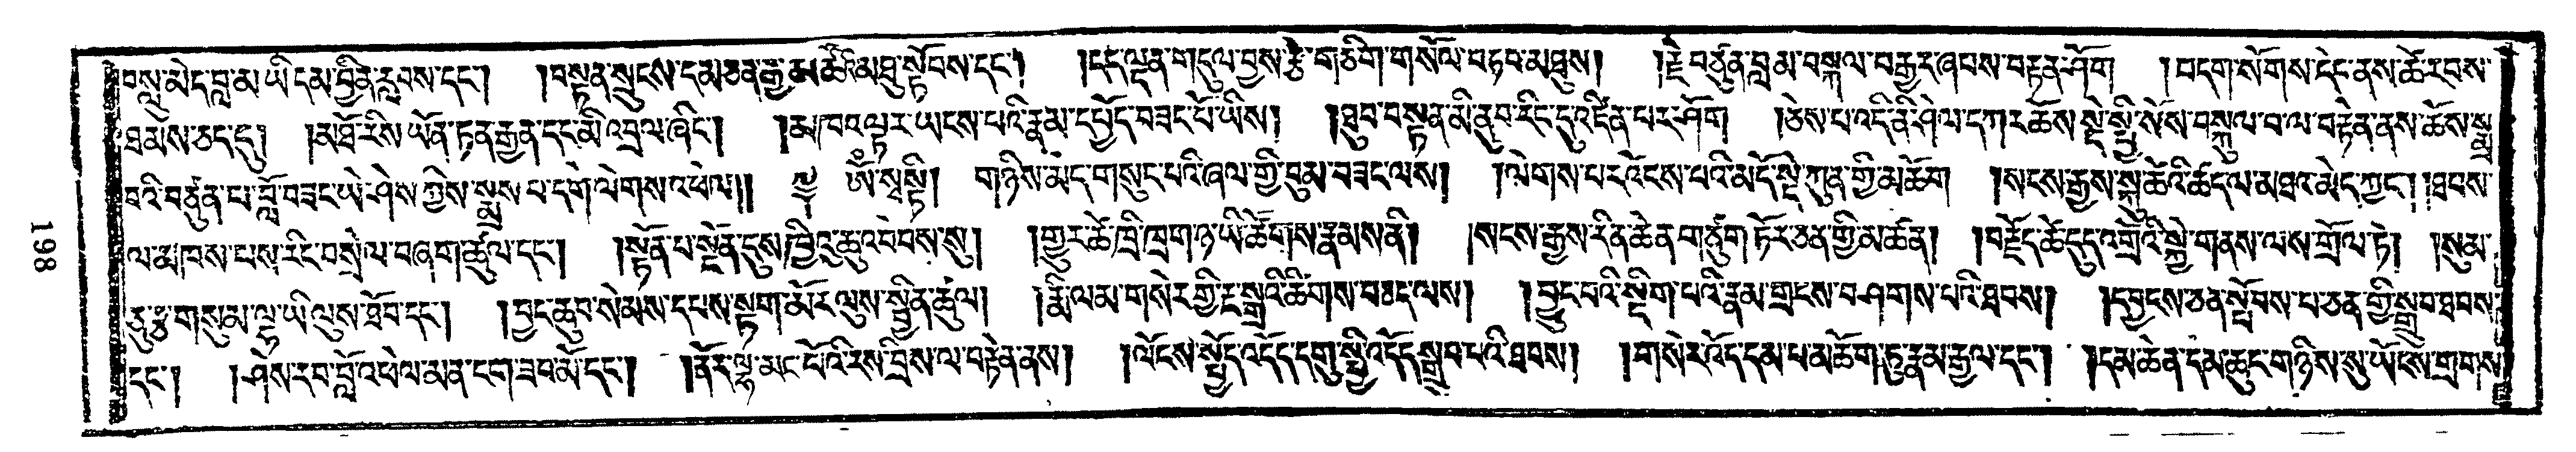བསླུ་མེད་བླ་མ་ཡི་དམ་བྱིན་རླབས་དང་། །བསྟན་སྲུངས་དམ་ཅན་རྒྱ་མཚོའི་མཐུ་སྟོབས་དང་། །དད་ལྡན་གདུལ་བྱས་རྩེ་གཅིག་གསོལ་བཏབ་མཐུས། །རྗེ་བཙུན་བླ་མ་བསྐལ་བརྒྱར་ཞབས་བརྟན་ཤོག །བདག་སོགས་དེང་ནས་ཚེ་རབས་
ཐམས་ཅད་དུ། །མཐོ་རིས་ཡོན་ཏན་རྒྱན་དང་མི་འབྲལ་ཞིང་། །མཁའ་ལྟར་ཡངས་པའི་རྣམ་དཔྱོད་བཟང་པོ་ཡིས། །ཐུབ་བསྟན་མི་ནུབ་རིང་དུ་འཛིན་པར་ཤོག །ཅེས་པ་འདི་ནི་ཤེལ་དཀར་ཆོས་སྡེ་སྤྱི་སོས་བསྐུལ་བ་ལ་བརྟེན་ནས་ཆོས་སྨྲ་
བའི་བཙུན་པ་བློ་བཟང་ཡེ་ཤེས་ཀྱིས་སྨྲས་པ་དགེ་ལེགས་འཕེལ།། ༈ ཨོཾ་སྭསྟི། གཉིས་མེད་གསུང་པའི་གཞལ་གྱི་བུམ་བཟང་ལས། །ལེགས་པར་འོངས་པའི་མདོ་སྡེ་ཀུན་གྱི་མཆོག །སངས་རྒྱས་སྐུ་ཚེའི་ཚད་ལ་མཐའ་མེད་ཀྱང་། །ཐབས་
ལ་མཁས་པས་རིང་བསྲེལ་བཞག་ཚུལ་དང་། །སྟོན་པ་སྔོན་དུས་ཁྱིའུ་ཆུ་འབེབས་སུ། །གྱུར་ཚེ་ཁྲི་ཁྲག་ཉ་ཡི་ཚོགས་རྣམས་ནི། །སངས་རྒྱས་རིན་ཆེན་གཙུག་ཏོར་ཅན་གྱི་མཚན། །བརྗོད་ཚེ་དུད་འགྲོའི་སྐྱེ་གནས་ལས་གྲོལ་ཏེ། །སུམ་
ཅུ་རྩ་གསུམ་ལྷ་ཡི་ལུས་ཐོབ་དང་། །བྱང་ཆུབ་སེམས་དཔས་སྟག་མོར་ལུས་སྦྱིན་ཚུལ། །རྨི་ལམ་གསེར་གྱི་རྔ་སྒྲའི་ཚིགས་བཅད་ལས། །བྱུང་བའི་སྡིག་པའི་རྣམ་གྲངས་བཤགས་པའི་ཐབས། །དབྱངས་ཅན་སྤོབས་པ་ཅན་གྱི་སྒྲུབ་ཐབས་
དང་། །ཤེས་རབ་བློ་འཕེལ་མན་ངག་ཟབ་མོ་དང་། །ནོར་ལྷ་མང་པོའི་རས་བྲིས་ལ་བརྟེན་ནས། །ལོངས་སྤྱོད་འདོད་དགུ་སྤྱི་འདོད་སྒྲུབ་པའི་ཐབས། །གསེར་འོད་དམ་པ་མཆོག་ཏུ་རྣམ་རྒྱལ་དང་། །དམ་ཆེན་དམ་ཆུང་གཉིས་སུ་ཡོངས་གྲགས་